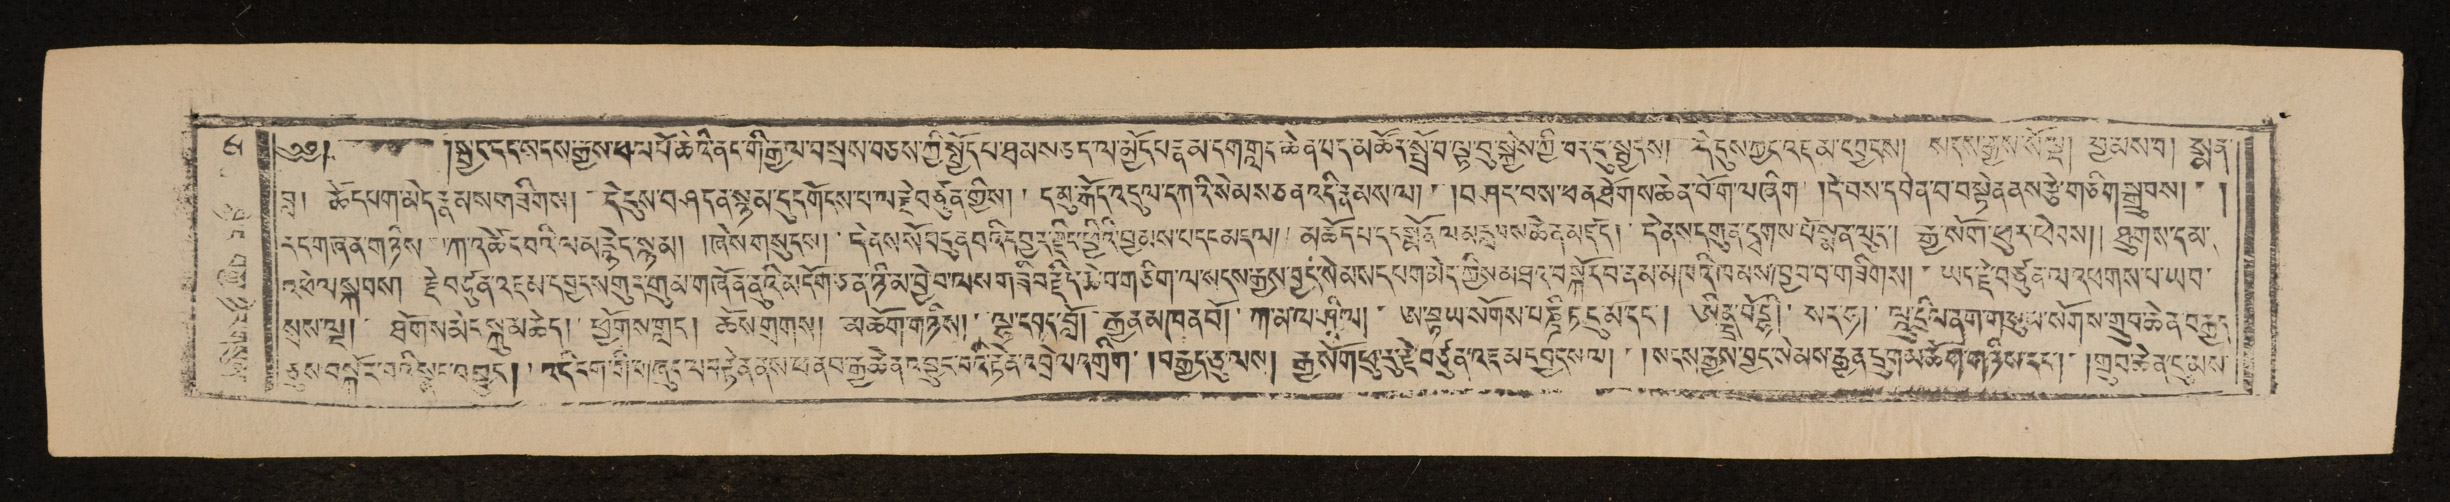༄༅། །སྦྱང་དང་སངས་རྒྱས་ཕལ་པོ་ཆེའི་ནང་གི་རྒྱལ་བ་སྲས་བཅས་ཀྱི་སྤྱོད་པ་ཐམས་ཅད་ལ་མྱོང་བ་རྣམ་དག་གླང་ཆེན་པད་མཚོར་སྤྲོ་བ་ལྟ་བུ་སྐྱེས་ཀྱི་བར་དུ་སྦྱངས། དེ་དུས་ཀྱང་འཇམ་དབྱངས། སངས་རྒྱས་སོ་ལྔ། བྱམས་པ། སྨན་
བླ༑ ཚེ་དཔག་མེད་རྣམས་གཟིགས། དེ་དུས་བཤད་ན་སྙམ་དུ་དགོངས་པ་ལ་རྗེ་བཙུན་གྱིས། དམུ་རྒོད་འདུལ་དཀའི་སེམས་ཅན་འདི་རྣམས་ལ། །བཤད་པས་ཕན་ཐོགས་ཆེན་པོ་ག་ལ་ཞིག །དེ་བས་དབེན་པ་བསྟེན་ནས་རྩེ་གཅིག་སྒྲུབས། །
རང་གཞན་གཉིས་ཀ་འཚེང་བའི་ལམ་རྙེད་སྙམ། །ཞེས་གསུངས། དེ་ནས་སོ་བདུན་པའི་དབྱར་རྫིང་ཕྱིའི་བྱམས་པ་དང་མཇལ། མཆོད་པ་དང་སྨོན་ལམ་རླབས་ཆེན་མཛད། དེ་ནས་དགུན་དྭགས་པོ་སྨན་ལུང་། རྒྱ་སོག་ཕུར་ཕེབས། ཐུགས་དམ་
འཕེལ་སྐབས། རྗེ་བཙུན་འཇམ་དབྱངས་གུར་གུམ་གཞོན་ནུའི་མདོག་ཅན་ཉི་མ་བྱེ་བ་ལས་གཟི་བརྗིད་ཆེ་བ་གཅིག་ལ་སངས་རྒྱས་བྱང་སེམས་དཔག་མེད་ཀྱིས་མཐའ་བསྐོར་བ་ནམ་མཁའི་ཁམས་ཁྱབ་པ་གཟིགས། ཡང་རྗེ་བཙུན་ལ་འཕགས་པ་ཡབ་
སྲས་ལྔ། ཐོགས་མེད་སྐུ་མཆེད། ཕྱོགས་གླང་། ཆོས་གྲགས། མཆོག་གཉིས། ལྷ་དབང་བློ། རྒྱན་མཁན་པོ། ཀ་མ་ལ་ཤཱི་ལ། ཨ་བྷ་ཡ་སོགས་པཎྜི་ཏ་དུ་མ་དང་། ཨིནྡྲ་བོ་དྷི། ས་ར་ཧ། ལཱུ་བྲིལ་ནག་གསུམ་སོགས་གྲུབ་ཆེན་བརྒྱད་
ཅུས་བསྐོར་བའི་སྣང་བ་བྱུང་། འདི་དག་གི་གཞུང་ལ་བརྟེན་ནས་ཕན་བརྒྱ་ཆེན་འབྱུང་བའི་རྟེན་འབྲེལ་འགྲིག །བརྒྱད་ཅུ་ལས། རྒྱ་སོག་ཕུར་དུ་རྗེ་བཙུན་འཇམ་དབྱངས་ལ། །སངས་རྒྱས་བྱང་སེམས་རྒྱན་དྲུག་མཆོག་གཉིས་དང་། །གྲུབ་ཆེན་དུ་མས་